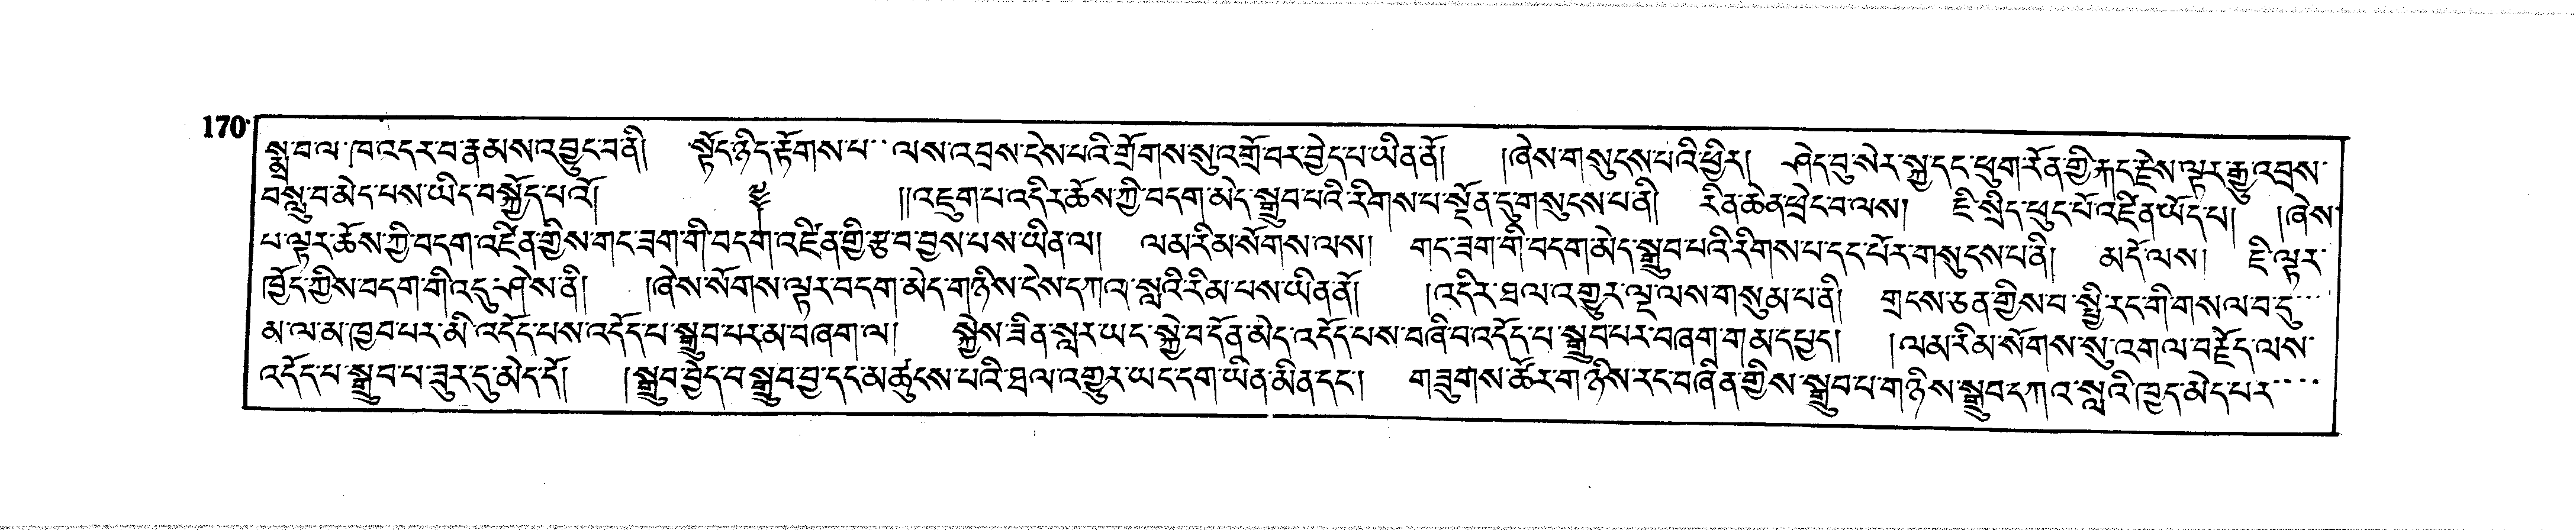སྨྲ་བ་ལ་ཁ་འདར་བ་རྣམས་འབྱུང་བ་ནི། སྟོང་ཉིད་རྟོགས་པ་ལས་འབྲས་ངེས་པའི་གྲོགས་སུ་འགྲོ་བར་བྱེད་པ་ཡིན་ནོ། །ཞེས་གསུངས་པའི་ཕྱིར། ཤེད་བུ་སེར་སྐྱ་དང་ཕུག་རོན་གྱི་རྐང་རྗེས་ལྟར་རྒྱུ་འབྲས་
བསླུ་བ་མེད་པས་ཡིད་བསྐྱོད་པའོ། ༈ །།འཇུག་པ་འདིར་ཆོས་ཀྱི་བདག་མེད་སྒྲུབ་པའི་རིགས་པ་སྔོན་དུ་གསུངས་པ་ནི། རིན་ཆེན་ཕྲེང་བ་ལས། ཇི་སྲིད་ཕུང་པོ་འཛིན་ཡོད་པ། །ཞེས་
པ་ལྟར་ཆོས་ཀྱི་བདག་འཛིན་གྱིས་གང་ཟག་གི་བདག་འཛིན་གྱི་རྩ་བ་བྱས་པས་ཡིན་ལ། ལམ་རིམ་སོགས་ལས། གང་ཟག་གི་བདག་མེད་སྒྲུབ་པའི་རིགས་པ་དང་པོར་གསུངས་པ་ནི། མདོ་ལས། ཇི་ལྟར་
ཁྱོད་ཀྱིས་བདག་གི་འདུ་ཤེས་ནི། །ཞེས་སོགས་ལྟར་བདག་མེད་གཉིས་ངེས་དཀའ་སླའི་རིམ་པས་ཡིན་ནོ། །འདིར་ཐལ་འགྱུར་ལྔ་ལས་གསུམ་པ་ནི། གྲངས་ཅན་གྱིས་བ་སྤྱི་རང་གི་གསལ་བ་དུ་
མ་ལ་མ་ཁྱབ་པར་མི་འདོད་པས་འདོད་པ་སྒྲུབ་པར་མ་བཞག་ལ། སྐྱེས་ཟིན་སླར་ཡང་སྐྱེ་བ་དོན་མེད་འདོད་པས་བཞི་བ་འདོད་པ་སྒྲུབ་པར་བཞག་གམ་དཔྱད། །ལམ་རིམ་སོགས་སུ་འགལ་བརྗོད་ལས་
འདོད་པ་སྒྲུབ་པ་ཟུར་དུ་མེད་དོ། །སྒྲུབ་བྱེད་བསྒྲུབ་བྱ་དང་མཚུངས་པའི་ཐལ་འགྱུར་ཡང་དག་ཡིན་མིན་དང་། གཟུགས་ཚོར་གཉིས་རང་བཞིན་གྱིས་སྒྲུབ་པ་གཉིས་སྒྲུབ་པ་གཉིས་དཀའ་སླའི་ཁྱད་མེད་པར་